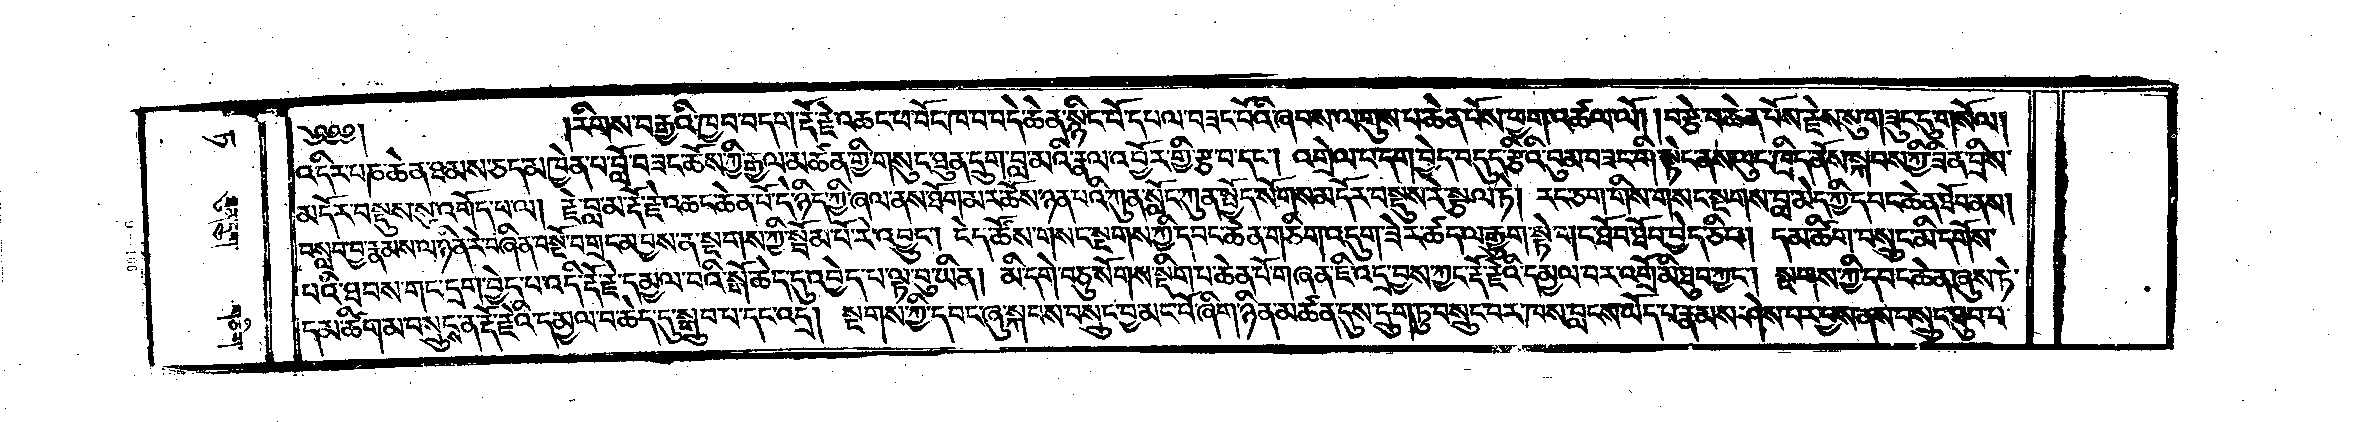༄༅༅། །རིགས་བརྒྱའི་ཁྱབ་བདག་རྡོ་རྗེ་འཆང་ཕ་བོང་ཁ་པ་བདེ་ཆེན་སྙིང་པོ་དཔལ་བཟང་པོའི་ཞབས་ལ་གུས་པ་ཆེན་པོས་ཕྱག་འཚལ་ལོ། །བརྩེ་བ་ཆེན་པོས་རྗེས་སུ་གཟུང་དུ་གསོལ།
འདིར་པཎ་ཆེན་ཐམས་ཅད་མཁྱེན་པ་བློ་བཟང་ཆོས་ཀྱི་རྒྱལ་མཚན་གྱི་གསུང་ཐུན་དྲུག་བླ་མའི་རྣལ་འབྱོར་གྱི་རྩ་བ་དང་། འགྲེལ་པ་དག་བྱེད་བདུད་རྩིའི་བུམ་བཟང་གི་སྟེང་ནས་ལུང་ཁྲིད་ནོས་སྐབས་ཀྱི་ཟིན་བྲིས་
མདོར་བསྡུས་སུ་འགོད་པ་ལ། རྗེ་བླ་མ་རྡོ་རྗེ་འཆང་ཆེན་པོ་དེ་ཉིད་ཀྱི་ཞལ་ནས་ཐོག་མར་ཆོས་ཉན་བའི་ཀུན་སློང་ཀུན་སྤྱོད་སོགས་མདོར་བསྡུས་རེ་སྩལ་ཏེ། རང་ཅག་གིས་གསང་སྔགས་བླ་མེད་ཀྱི་དབང་ཆེན་ཐོབ་ནས།
བསླབ་བྱ་རྣམས་ལ་ཉིན་རེ་བཞིན་བསྔོ་བགྲང་མ་བྱས་ན་སྔགས་ཀྱི་སྦོམ་པོ་རེ་འབྱུང་། ངེད་ཚོས་གསང་སྔགས་ཀྱི་དབང་ཆེན་གཅིག་འདུག་ཟེར་ཚད་ལ་རྒྱུག་སྟེ་གང་ཐོབ་ཐོབ་བྱེད་ཅིང་། དམ་ཚིག་བསྲུང་མི་དགོས་
པའི་ཐབས་གང་དྲག་བྱེད་པ་འདི་རྡོ་རྗེ་དམྱལ་བའི་སྒོ་ཆེད་དུ་འབྱེད་པ་ལྟ་བུ་ཡིན། མི་དགེ་བཅུ་སོགས་སྡིག་པ་ཆེན་པོ་གཞན་ཇི་འདྲ་བྱས་ཀྱང་རྡོ་རྗེའི་དམྱལ་བར་འགྲོ་མི་ཐུབ་ཀྱང་། སྔགས་ཀྱི་དབང་ཆེན་ཞུས་ཏེ་
དམ་ཚིག་མ་བསྲུངས་ན་རྡོ་རྗེའི་དམྱལ་བ་ཆེད་དུ་སྒྲུབ་པ་དང་འདྲ། སྔགས་ཀྱི་དབང་ཞུ་སྐབས་བསྲུང་བྱ་མང་པོ་ཞིག་ཉིན་མཚན་དུས་དྲུག་ཏུ་བསྲུང་བར་ཁས་བླངས་ཡོད་པ་རྣམས་ཤེས་པར་བྱས་ནས་བསྲུང་ཐུབ་པ་